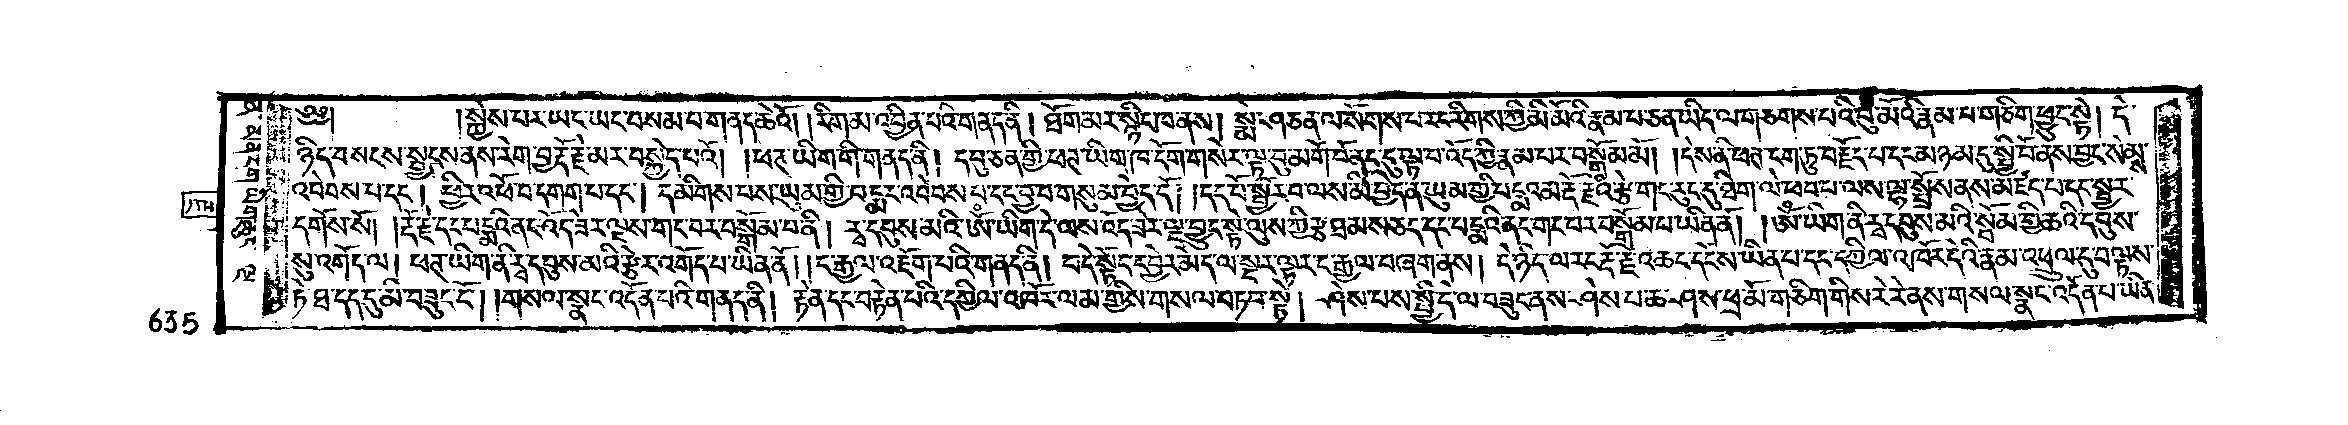༄༅། །སྐྱེས་པར་ཡང་ཡང་བསམ་པ་གནད་ཆེའོ། །རིག་མ་འབྱིན་པའི་གནད་ནི། ཐོག་མར་སྙིང་ཁ་ནས། སྨེ་ཤ་ཅན་ལ་སོགས་པ་རང་རིགས་ཀྱི་མི་མོའི་རྣམ་པ་ཅན་ཡིད་ལ་གཅགས་པའི་བུ་མོའི་རྣམ་པ་གཅིག་ཕྱུང་སྟེ། དེ་
ཉིད་བསངས་སྦྱངས་ནས་རེག་བྱ་རྡོ་རྗེ་མར་བསྐྱེད་པའོ། །ཕཊ་ཡིག་གི་གནད་ནི། དབུ་ཅན་གྱི་ཕཊ་ཡིག་ཁ་དོག་གསེར་ལྟ་བུ་མགོ་བོ་ནང་དུ་ལྟ་བ་འོད་ཀྱི་རྣམ་པར་བསྒོམ་མོ། །དེས་ནི་ཕཊ་ངག་ཏུ་བརྗོད་པ་དང་མཉམ་དུ་སྤྱི་བོ་ནས་བྱང་སེམས་
འབེབས་པ་དང་། ཕྱིར་འཕོ་བ་དགག་པ་དང་། དམིགས་པས་ཡུམ་གྱི་པདམར་འབེབས་པ་དང་བྱ་བ་གསུམ་བྱེད་དོ། །དད་པོ་སྦྱོར་བ་ལས་མི་བྱེད་ན་ཡུམ་གྱི་པདམའམ་རྡོ་རྗེའི་རྩེ་གང་རུང་དུ་ཐིག་ལེ་ཕབ་པ་ལས་ལྷ་སྤྲོས་ནས་མཛད་པ་དང་སྦྱར་
དགོས་སོ། །རྡོ་རྗེ་དང་པདམའི་ནང་འོད་ཟེར་ལྔས་གང་བར་བསྒོམ་པ་ནི། རྭ་དབུས་མའི་ཨོཾ་ཡིག་དེ་ལས་འོད་ཟེར་ལྔ་བྱུང་སྟེ་ལུས་ཀྱི་རྩ་ཐམས་ཅད་དང་པདམའི་ནང་གང་བར་བསྒོམ་པ་ཡིན་ནོ། །ཨོཾ་ཡིག་ནི་རྭ་དབུས་མའི་སྦོམ་གྱི་ཆའི་དབུས་
སུ་འགོད་ལ། ཕཊ་ཡིག་ནི་རྭ་དབུས་མའི་རྩེར་འགོད་པ་ཡིན་ནོ། །ང་རྒྱལ་འཇོག་པའི་གནད་ནི། བདེ་སྟོང་དབྱེར་མེད་ལ་སྔར་ལྟར་ང་རྒྱལ་བཞག་ནས། དེ་ཉིད་ལ་རང་རྡོ་རྗེ་འཆང་དངོས་ཡིན་པ་དང་དཀྱིལ་འཁོར་དེའི་རྣམ་འཕྲུལ་དུ་བལྟས་
ཏེ་ཐ་དད་དུ་མི་བཟུང་ངོ། །གསལ་སྣང་འདོན་པའི་གནད་ནི། རྟེན་དང་བརྟེན་པའི་དཀྱིལ་འཁོར་ལམ་གྱིས་གསལ་བཏབ་སྟེ། ཤེས་པས་སྤྱི་དེ་ལ་བཟུང་ནས་ཤེས་པ་ཆ་ཤས་ཕྲ་མོ་གཅིག་གིས་རེ་རེ་ནས་གསལ་སྣང་འདོན་པ་ཡིན་